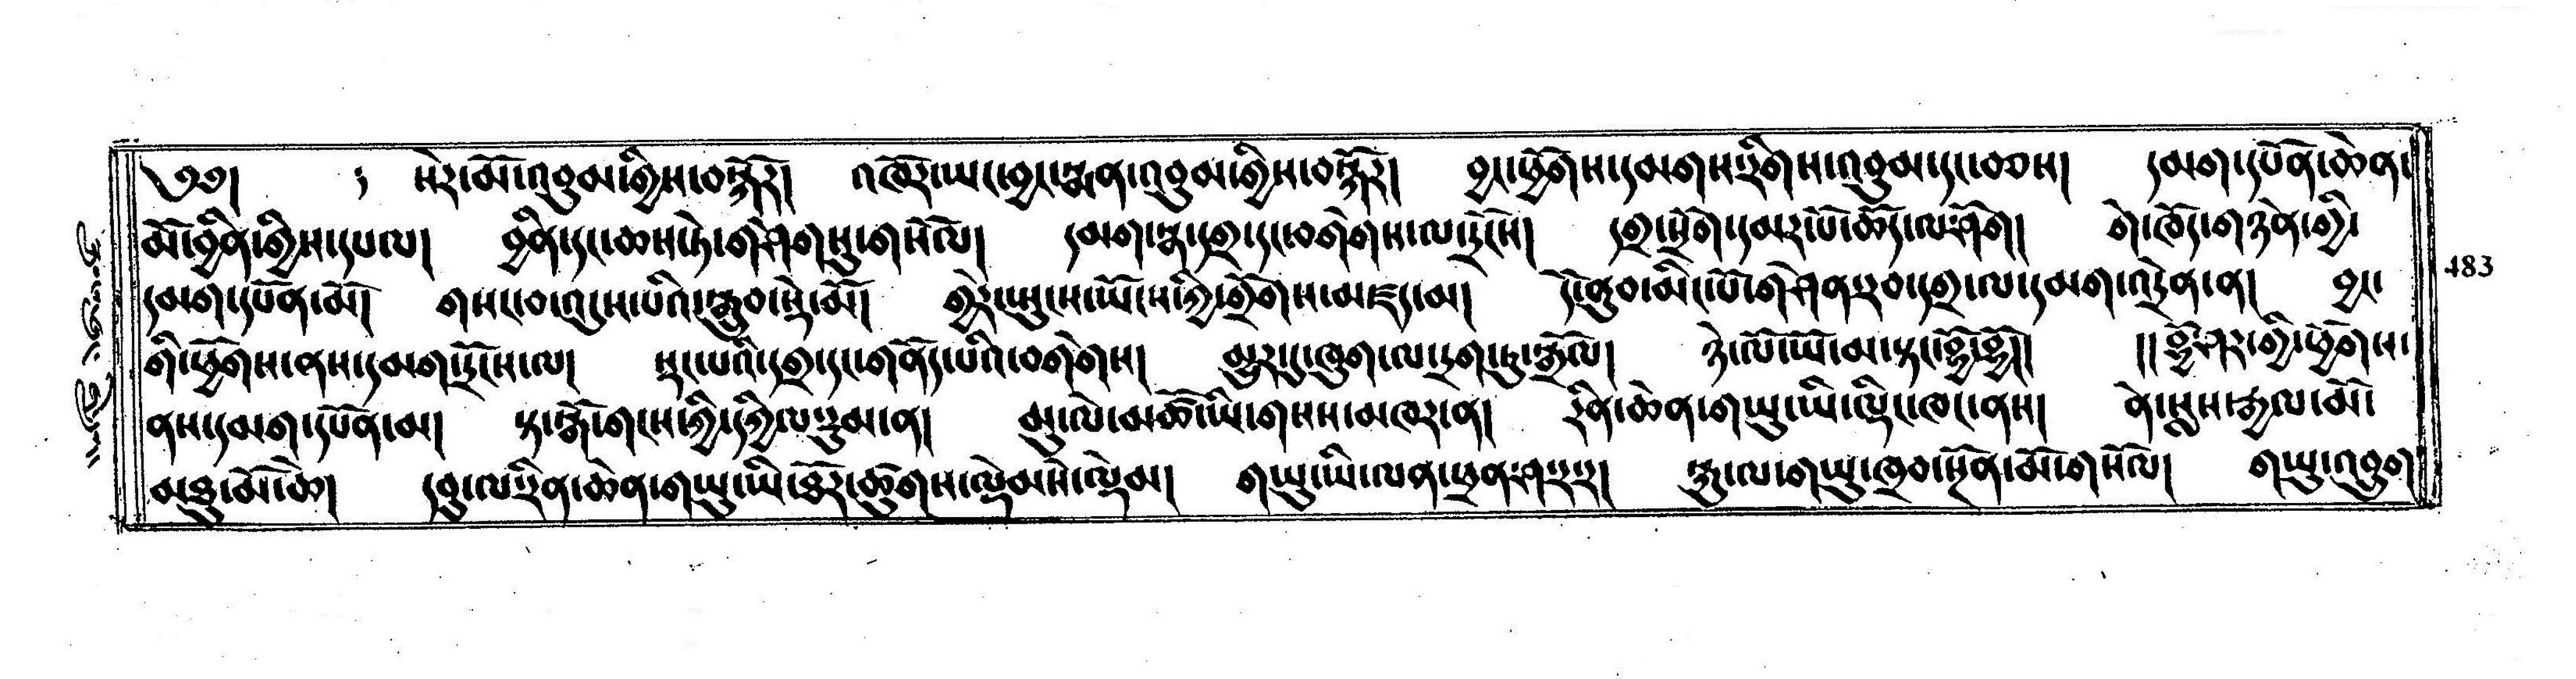སེར་མོ་འབུམ་གྱིས་བསྐོར། འཁོར་ཡང་བྱང་སྨན་འབུམ་གྱིས་བསྐོར། བྱང་{496}ཕྱོགས་དམགས་རིགས་འབུམ་དང་བཅས། དམག་དཔོན་ཆེན་
མོ་བྱིན་གྱིས་དཔལ། བྱིན་དང་ཆས་ཏེ་གཤེགས་སུ་གསོལ། དམག་སྣ་དགྲ་དང་བགེགས་ལ་དྲོངས། དགྲ་སྲོག་དམར་པོ་ཆོད་ལ་ཤོག གེ་ཁོད་གཉེན་གྱི་
དམག་དཔོན་མོ། གསང་བ་འདུས་པའི་སྒྲུབ་སྡེ་མོ། གྱེར་སྤུངས་ཡོངས་ཀྱི་གྲོགས་མཛད་མ། དོ་ནུབ་མིང་པོ་གཤེན་རབ་དགྲ་ལ་དམག་འདྲེན་ན། བྱང་
གི་ཕྱོགས་ནས་དམག་དྲོངས་ལ། སྡང་པའི་དགྲ་དང་གནོད་པའི་བགེགས། མྱུར་དུ་ཁུག་ལ་དྲག་ཏུ་སྒྲོལ། ཉེ་ལོ་ཡོ་མ་སྟང་བྷྱོ་བྷྱོ།། །།བྷྱོ་ཤར་གྱི་ཕྱོགས་
ནས་དམག་དཔོན་མ། སྟ་སྒོ་གངས་ཀྱི་དཀྱིལ་རུམ་ན། མུ་ལེ་མཚོ་ཡི་གསས་མཁར་ན། རིན་ཆེན་གཡུ་ཡི་ལྡིང་ཁང་ནས། ནེ་སླས་རྒྱལ་མོ་
མཐུ་མོ་ཆེ། དབུ་ལ་རིན་ཆེན་གཡུ་ཡི་ཐོར་ཚུགས་ལྡེམས་སེ་ལྡེམ། གཡུ་ཡི་ལན་ཕྲན་ཤ་ར་ར། སྐུ་ལ་གཡུ་ཁྲབ་སྔོན་མོ་གསོལ། གཡུ་འབྲུག་